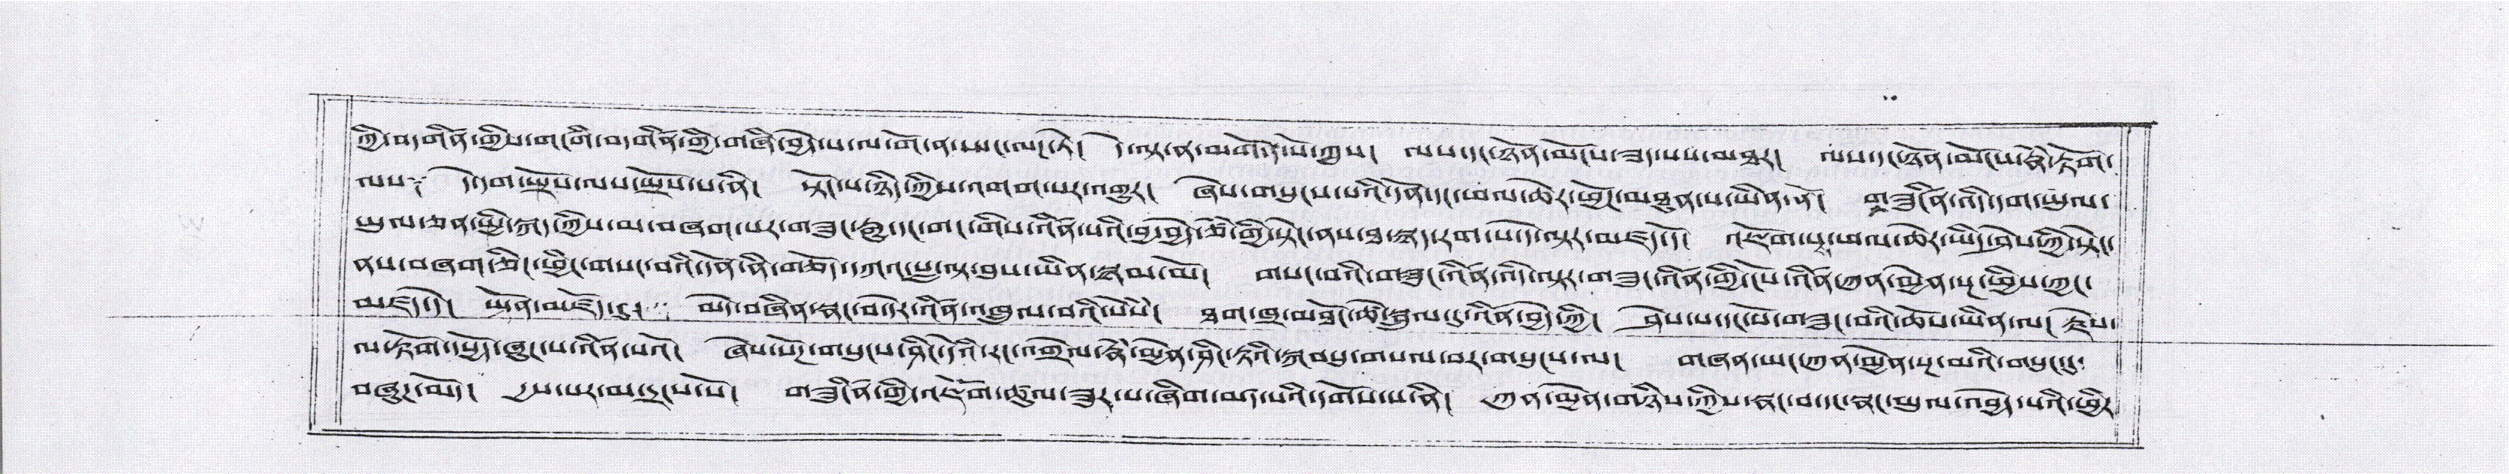ཀྱི་བདག་འཛིན་གྱིས་གང་ཟག་གི་བདག་འཛིན་གྱི་གཞི་བྱེད་པ་ལ་གོ་ན་ཡང་ལགས་ཏེ། དེ་ལྟ་ན་མགོན་པོ་ཀླུས། ལས་དང་ཉོན་མོངས་ཟད་པས་མཐར། ལས་དང་ཉོན་མོངས་རྣམ་རྟོག་
ལས། དེ་དག་སྤྲོས་ལས་སྤྲོས་པ་ནི། སྟོང་པ་ཉིད་ཀྱིས་འགག་པར་འགྱུར། ཞེས་གསུངས་པའི་དོན་དང་ཕལ་ཆེར་ཕྱོགས་མཐུན་པ་ཡིན་ནོ། གཟུང་འཛིན་འདི་དག་ཡུལ་
ཡུལ་ཅན་གྱི་སྤྱི་སྐད་ཀྱིས་མ་བཞག་པར་གཟུང་རྒྱུ་དང་གང་གིས་འཛིན་པའི་བྱ་བྱེད་ཙམ་གྱི་སྟེང་ནས་ཐ་སྙད་རག་པ་དེ་ལྟར་མཛད་དོ། འཇོག་པས་ཕལ་ཆེར་ཡིད་ཤེས་ཀྱི་སྟེང་
ནས་བཞག་ཅིང་ཕྱི་ནང་གསང་བའི་དོན་ནི་གཅོད་དཀའ་སླ་ལྟ་བུས་ཡིན་སྙམ་མོ། གསང་བའི་གཟུང་འཛིན་འདི་ལྟར་གཟུང་འཛིན་གྱི་ངོས་འཛིན་ཀུན་མཁྱེན་སྔ་ཕྱིས་ཀྱང་
མཛད་དེ། ཡོན་ཏན་མཛོད་དུ་མེད་བཞིན་སྣང་བ་དེར་འཛིན་འཁྲུལ་བའི་སེམས། ཐག་ཁྲ་མཐོང་ཚེ་སྦྲུལ་དུ་འཛིན་བྱེད་ཀྱི། ཤེས་པ་དང་པོ་གཟུང་བའི་ཆོས་ཡིན་ལ། རྗེས་
ལ་རྟོག་དཔྱོད་ཞུགས་པ་འཛིན་པའོ། ཞེས་སོགས་གསུངས་ཤིང་དེའི་རང་འགྲེལ་རྣམ་མཁྱེན་ཤིང་རྟའི་སྐབས་སུ་གསལ་བར་གསུངས་ལ། གཞན་ཡང་ཀུན་མཁྱེན་སྔ་མའི་གསུང་དུ་
བཞུགས་མོད། རྒྱས་པར་མ་དྲངས་སོ། གཟུང་འཛིན་གྱི་འཇོག་ཚུལ་ཟུར་པ་ཞིག་མཛད་པའི་དགོས་པ་ནི། ཀུན་མཁྱེན་གཉིས་ཀྱིས་སྣང་བ་དང་སྣང་ཡུལ་འབྱེད་པའི་ཕྱིར་